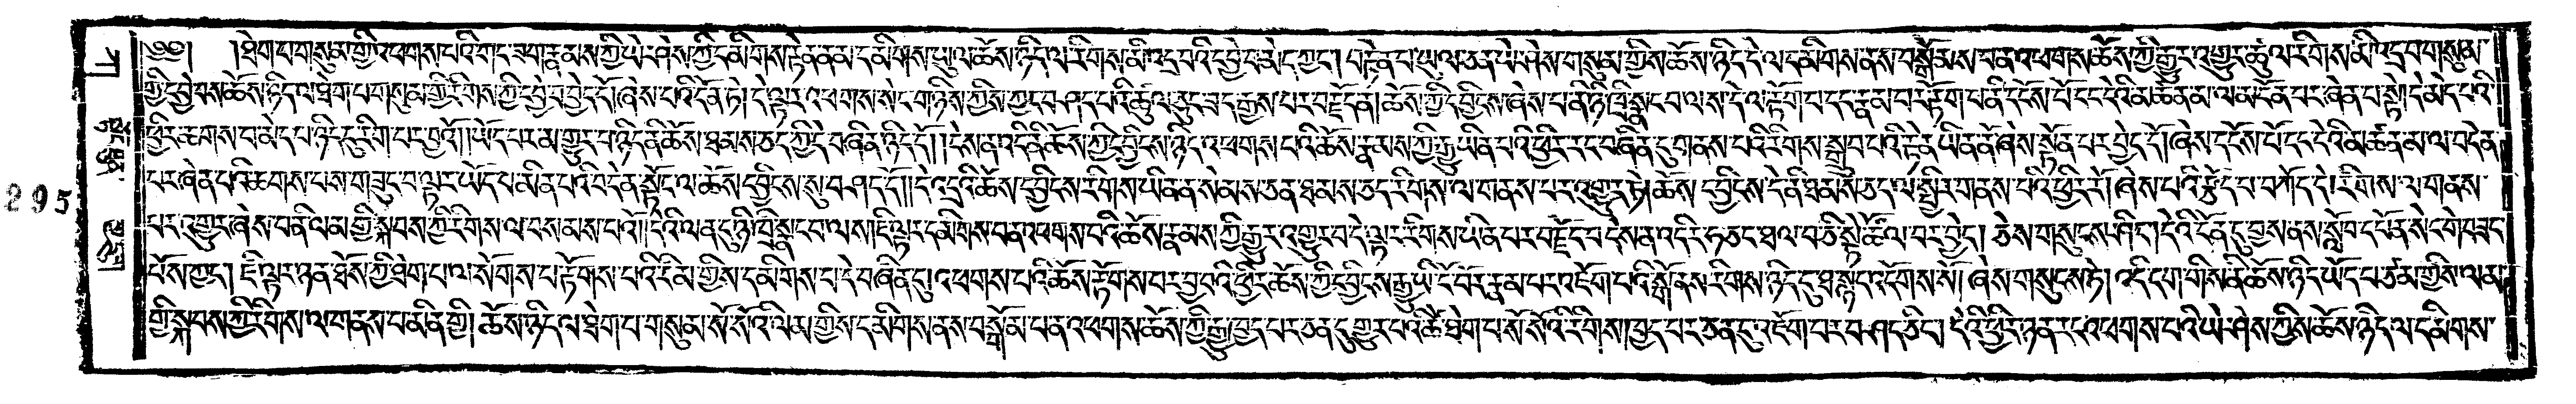༄༅། །ཐེག་པ་གསུམ་གྱི་འཕགས་པའི་གང་ཟག་རྣམས་ཀྱི་ཡེ་ཤེས་ཀྱི་དམིགས་རྟེན་ནམ་དམིགས་ཡུལ་ཆོས་ཉིད་ལ་རིགས་མི་འདྲ་བའི་དབྱེ་བ་མེད་ཀྱང་། བརྟོན་པ་ཡུལ་ཅན་ཡེ་ཤེས་གསུམ་གྱིས་ཆོས་ཉིད་དེ་ལ་དམིགས་ནས་བསྒོམས་པ་ན་འཕགས་ཆོས་ཀྱི་རྒྱུར་འགྱུར་ཚུལ་རིགས་མི་འདྲ་བ་གསུམ་
གྱི་དབྱེ་བས་ཆོས་ཉིད་ལ་ཐེག་པ་གསུམ་གྱི་རིགས་ཀྱི་དབྱེ་བ་བྱེད་དོ། ཞེས་པའི་དོན་ཏེ། དེ་ལྟར་འཕགས་སེང་གཉིས་ཀྱིས་ཀྱང་བཤད་པའི་ཚུལ་ཅུང་ཟད་རྒྱས་པར་བརྗོད་ན། ཆོས་ཀྱི་དབྱིངས་ཞེས་པ་ནི་ཉི་ཁྲི་སྣང་བ་ལས་དེ་ལ་རྟོག་པ་དང་རྣམ་བར་རྟོག་པ་ནི་དངོས་པོ་དང་དེའི་མཚན་མ་ལ་མངོན་བར་ཞེན་པ་སྟེ། དེ་མེད་པའི་
ཕྱིར་ཆགས་བ་མེད་པ་ཉིད་དུ་རིག་པར་བྱའོ། །ཡོད་པར་མ་གྱུར་པ་ཉིད་ནི་ཆོས་ཐམས་ཅད་ཀྱི་དེ་བཞིན་ཉིད་དོ། །དེས་ན་འདི་ནི་ཆོས་ཀྱི་དབྱིངས་ཉིད་འཕགས་པའི་ཆོས་རྣམས་ཀྱི་རྒྱུ་ཡིན་པའི་ཕྱིར་རང་བཞིན་དུ་གནས་པའི་རིགས་སྒྲུབ་པའི་རྟེན་ཡིན་ནོ་ཞེས་སྟོན་པར་བྱེད་དོ། ཞེས་དངོས་པོ་དང་དེའི་མཚན་མ་ལ་བདེན་
པར་ཞེན་པའི་ཆགས་པས་གཟུང་བ་ལྟར་ཡོད་བ་མིན་པའི་བདེན་སྟོང་ལ་ཆོས་དབྱིངས་སུ་བཤད་དོ། །དེ་འདྲའི་ཆོས་དབྱིངས་རིགས་ཡིན་ན་སེམས་ཅན་ཐམས་ཅད་རིགས་ལ་གནས་པར་འགྱུར་ཏེ། ཆོས་དབྱིངས་དེ་ནི་ཐམས་ཅད་ལ་སྤྱིར་གནས་པའི་ཕྱིར་རོ། ཞེས་པའི་རྩོད་པ་བཀོད་དེ། རིགས་ལ་གནས་
པར་འགྱུར་ཞེས་པ་ནི་ལམ་གྱི་སྐབས་ཀྱི་རིགས་ལ་བསམས་པའོ། །དེའི་ལན་དུ་ཉི་ཁྲི་སྣང་བ་ལས། །ཇི་ལྟར་དམིགས་པ་ན་འཕགས་པའི་ཆོས་རྣམས་ཀྱི་རྒྱུར་འགྱུར་བ་དེ་ལྟར་རིགས་ཡིན་པར་བརྗོད་པ་དེས་ན་འདིར་ཧ་ཅང་ཐལ་བ་ཅི་སྟེ་ཚོལ་བར་བྱེད། ཅེས་གསུངས་ཤིང་། དེའི་དོན་དུ་བྱས་ནས་སླེབ་དཔོན་སེང་གེ་བཟང་
པོས་ཀྱང་། ཇི་ལྟར་ཉན་ཐོས་ཀྱི་ཐེག་པ་ལ་སོགས་པ་རྟོགས་པའི་རིམ་གྱིས་དམིགས་པ་དེ་བཞིན་དུ། འཕགས་པའི་ཆོས་རྟོགས་པར་བྱ་བའི་ཕྱིར་ཆོས་ཀྱི་དབྱིངས་རྒྱུ་ཡི་ངོ་བོར་རྣམ་པར་འཇོག་པའི་སྒོ་ནས་རིགས་ཉིད་དུ་ཐ་སྙད་འདོགས་སོ། ཞེས་གསུངས་ཏེ། འདི་དག་གིས་ནི་ཆོས་ཉིད་ཡོད་པ་ཙམ་གྱིས་ལམ་
གྱི་སྐབས་ཀྱི་རིགས་ལ་གནས་པ་མིན་གྱི། ཆོས་ཉིད་ལ་ཐེག་པ་གསུམ་སོ་སོའི་ལམ་གྱིས་དམིགས་ནས་བསྒོམ་པ་ན་འཕགས་ཆོས་ཀྱི་རྒྱུ་ཁྱད་པར་ཅན་དུ་གྱུར་པའི་ཚེ་ཐེག་པ་སོ་སོའི་རིགས་ཁྱད་པར་ཅན་དུ་འཇོག་པར་བཤད་ཅིང་། དེའི་ཕྱིར་ཉན་རང་འཕགས་པའི་ཡེ་ཤེས་ཀྱིས་ཆོས་ཉིད་ལ་དམིགས་